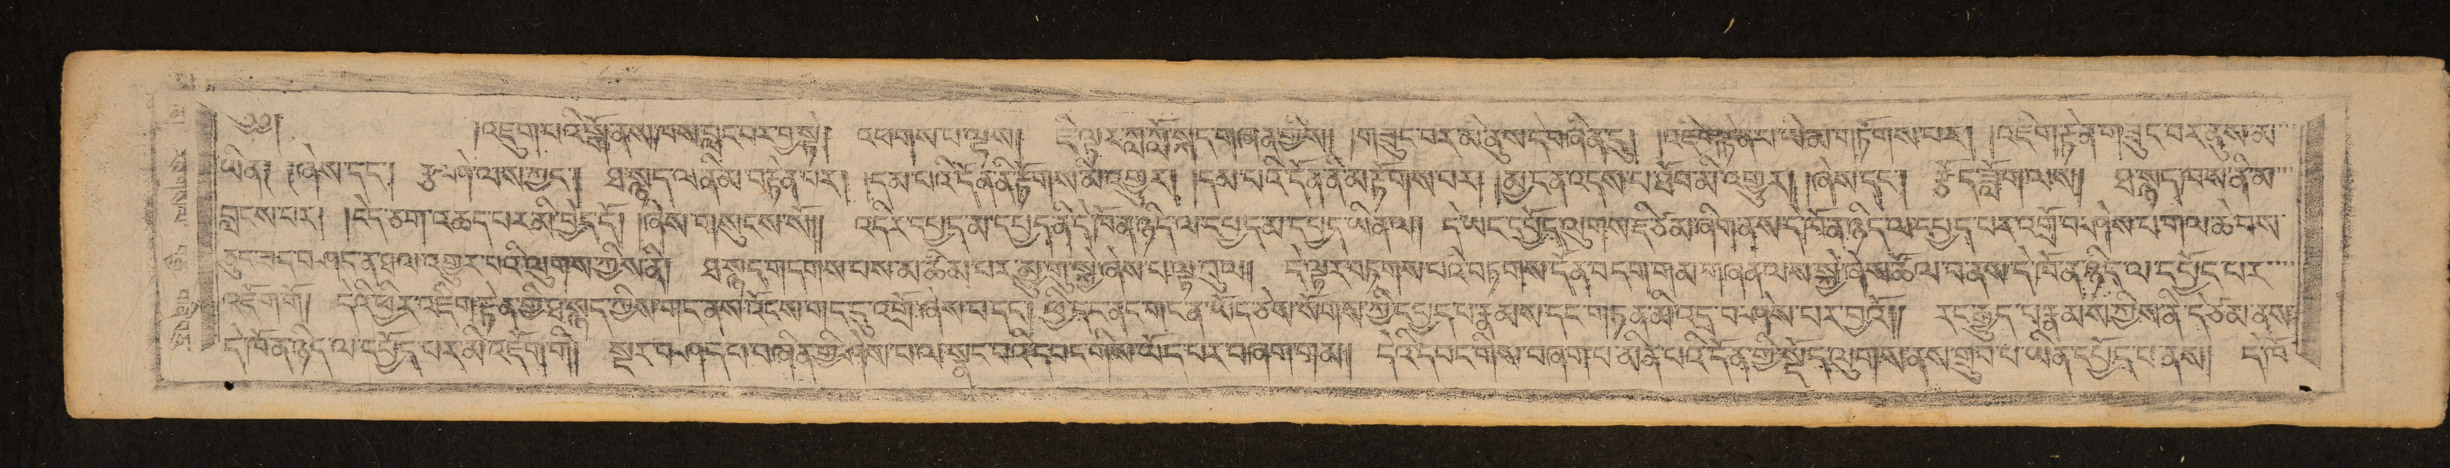༄༅། །འཇུག་པའི་སྒོ་ནས་ཁས་བླང་བར་བྱ་སྟེ། འཕགས་པ་ལྷས། ཇི་ལྟར་ཀླ་ཀློ་སྐད་གཞན་གྱིས། །གཟུང་བར་མི་ནུས་དེ་བཞིན་དུ། །འཇིག་རྟེན་པ་ཡི་མ་གཏོགས་པར། །འཇིག་རྟེན་གཟུང་བར་ནུས་མ་
ཡིན༑ ༑ཞེས་དང་། རྩ་ཤེ་ལས་ཀྱང་། ཐ་སྙད་ལ་ནི་མ་བརྟེན་པར། །དམ་པའི་དོན་ནི་རྟོགས་མི་འགྱུར། །དམ་པའི་དོན་ནི་མ་རྟོགས་པར། །མྱ་ངན་འདས་པ་ཐོབ་མི་འགྱུར། །ཞེས་དང་། རྩོད་ཟློག་ལས། ཐ་སྙད་ཁས་ནི་མ་
བླངས་པར། །ངེད་ཅག་འཆད་པར་མི་བྱེད་དོ། །ཞེས་གསུངས་སོ།། འདིར་དཔྱད་མ་དཔྱད་ནི་དེ་ཁོ་ན་ཉིད་ལ་དཔྱད་མ་དཔྱད་ཡིན་ལ། དེ་ཡང་དཔྱོད་ལུགས་ཇི་ཙམ་ཞིག་ནས་དེ་ཁོ་ན་ཉིད་ལ་དཔྱད་པར་འགྲོ་བ་ཤེས་པ་གལ་ཆེ་བས་
ཅུང་ཟད་བཤད་ན་ཐལ་འགྱུར་བའི་ལུགས་ཀྱིས་ནི། ཐ་སྙད་གདགས་པས་མ་ཚིམ་པར་མྱུ་གུ་སྐྱེ་ཞེས་པ་ལྟ་བུ་ལ། དེ་ལྟར་བཏགས་པའི་བཏགས་དོན་བདག་གམ་གཞན་ལས་སྐྱེ་ཞེས་ཚོལ་བ་ནས་དེ་ཁོ་ན་ཉིད་ལ་དཔྱོད་པར་
འཇོག་གོ། དེའི་ཕྱིར་འཇིག་རྟེན་གྱི་ཐ་སྙད་ཀྱིས་གང་ནས་འོངས་གང་དུ་འགྲོ་ཞེས་པ་དང་། ཕྱི་དང་ནང་གང་ན་ཡོད་ཅེས་སོགས་ཀྱི་དཔྱད་པ་རྣམས་དང་གཏན་མི་འདྲ་བ་ཤེས་པར་བྱའོ།། རང་རྒྱུད་པ་རྣམས་ཀྱིས་ནི་དེ་ཙམ་ནས་
དེ་ཁོ་ན་ཉིད་ལ་དཔྱོད་པར་མི་འཇོག་གི། སྔར་བཤད་པ་བཞིན་གྱི་ཤེས་པ་ལ་སྣང་བའི་དབང་གིས་ཡོད་པར་བཞག་གམ། དེའི་དབང་གིས་བཞག་པ་མིན་པའི་དོན་གྱི་སྡོད་ལུགས་ནས་གྲུབ་པ་ཡིན་དཔྱོད་པ་ནས། དེ་ཁོ་